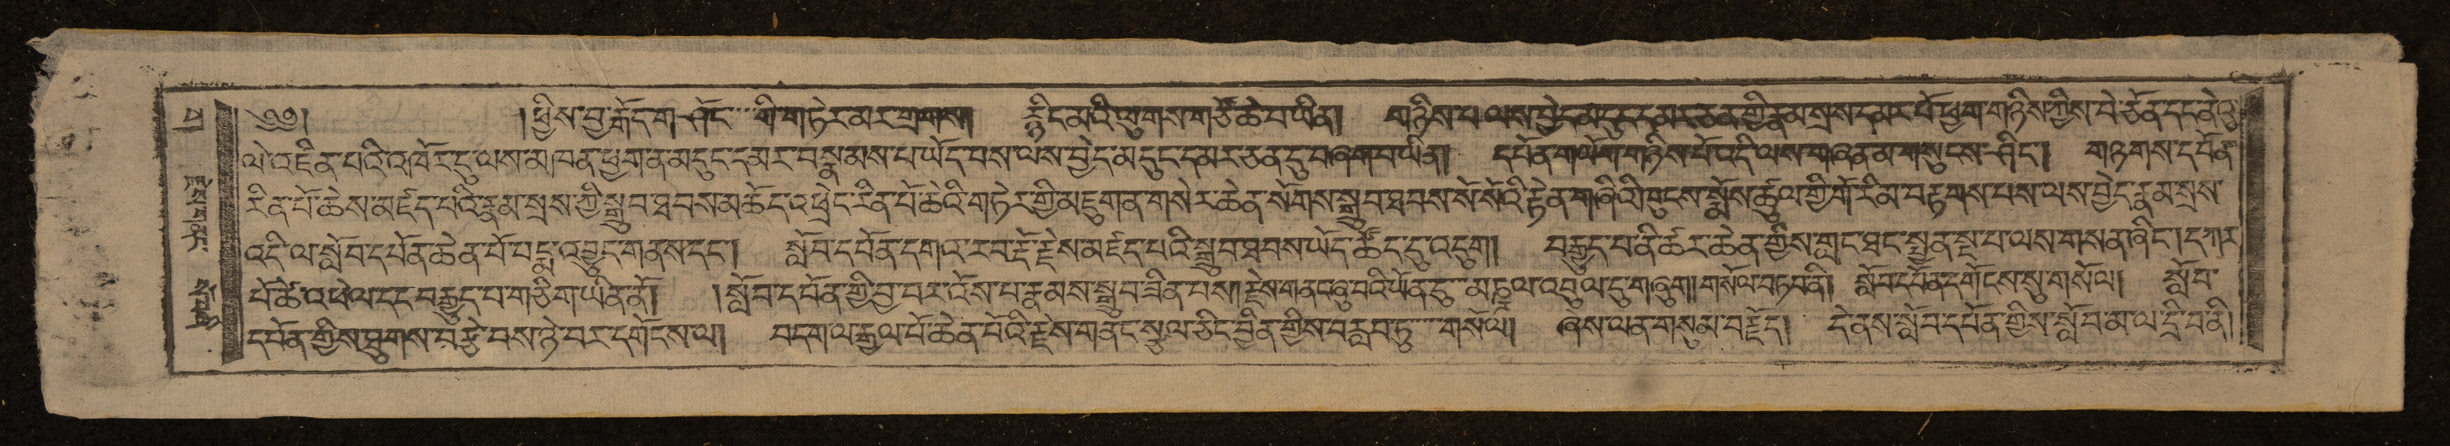༄༅། །ཕྱིས་བྱ་རྒོད་གཤོང་གི་གཏེར་མར་གྲགས། རྙིང་མའི་ལུགས་གཙོ་ཆེ་བ་ཡིན། གཉིས་པ་ལས་བྱེད་མདུང་དམར་ཅན་གྱི་རྣམ་སྲས་དམར་པོ་ཕྱག་གཉིས་ཀྱིས་བེ་ཅོན་དང་ནེའུ་
ལེ་འཛིན་པའི་འཁོར་དུ་ལས་མཁན་ཕྱག་ན་མདུང་དམར་བསྣམས་པ་ཡོད་པས་ལས་བྱེད་མདུང་དམར་ཅན་དུ་བཞག་པ་ཡིན། དཔོན་གཡོག་གཉིས་པོ་འདི་ལས་གཞན་མ་གསུངས་ཤིང་། གཉགས་དཔོན་
རིན་པོ་ཆེས་མཛད་པའི་རྣམ་སྲས་ཀྱི་སྒྲུབ་ཐབས་མཆོད་འཕྲེང་རིན་པོ་ཆེའི་གཏེར་གྱི་མཇུག་ན་གསེར་ཆེན་སོགས་སྒྲུབ་ཐབས་སོ་སོའི་རྟེན་གཞིའི་ཁུངས་སྨོས་ཚུལ་གྱི་གོ་རིམ་བརྟགས་པས་ལས་བྱེད་རྣམ་སྲས་
འདི་ལ་སློབ་དཔོན་ཆེན་པོ་པདམ་འབྱུང་གནས་དང་། སློབ་དཔོན་དགའ་རབ་རྡོ་རྗེས་མཛད་པའི་སྒྲུབ་ཐབས་ཡོད་ཚོད་དུ་འདུག། བརྒྱུད་པ་ནི་ཚར་ཆེན་གྱིས་གླང་ཐང་སྤྱན་སྔ་པ་ལས་གསན་ཞིང་། དཀར་
པོ་ཚེ་འཕེལ་དང་བརྒྱུད་པ་གཅིག་ཡིན་ནོ། །སློབ་དཔོན་གྱི་བྱ་བར་འོས་པ་རྣམས་སྒྲུབ་ཟིན་པས། རྗེས་གནང་ཞུ་བའི་ཡོན་དུ་མཎྜལ་འབུལ་དུ་གཞུག། གསོལ་བཏབ་ནི། སློབ་དཔོན་དགོངས་སུ་གསོལ། སློབ་
དཔོན་གྱིས་ཐུགས་བརྩེ་བས་ཉེ་བར་དགོངས་ལ། བདག་ལ་རྒྱལ་པོ་ཆེན་པོའི་རྗེས་གནང་སྩལ་ཅིང་བྱིན་གྱིས་བརླབ་ཏུ་གསོལ། ཞེས་ལན་གསུམ་བརྗོད། དེ་ནས་སློབ་དཔོན་གྱིས་སློབ་མ་ལ་དྲི་བ་ནི།